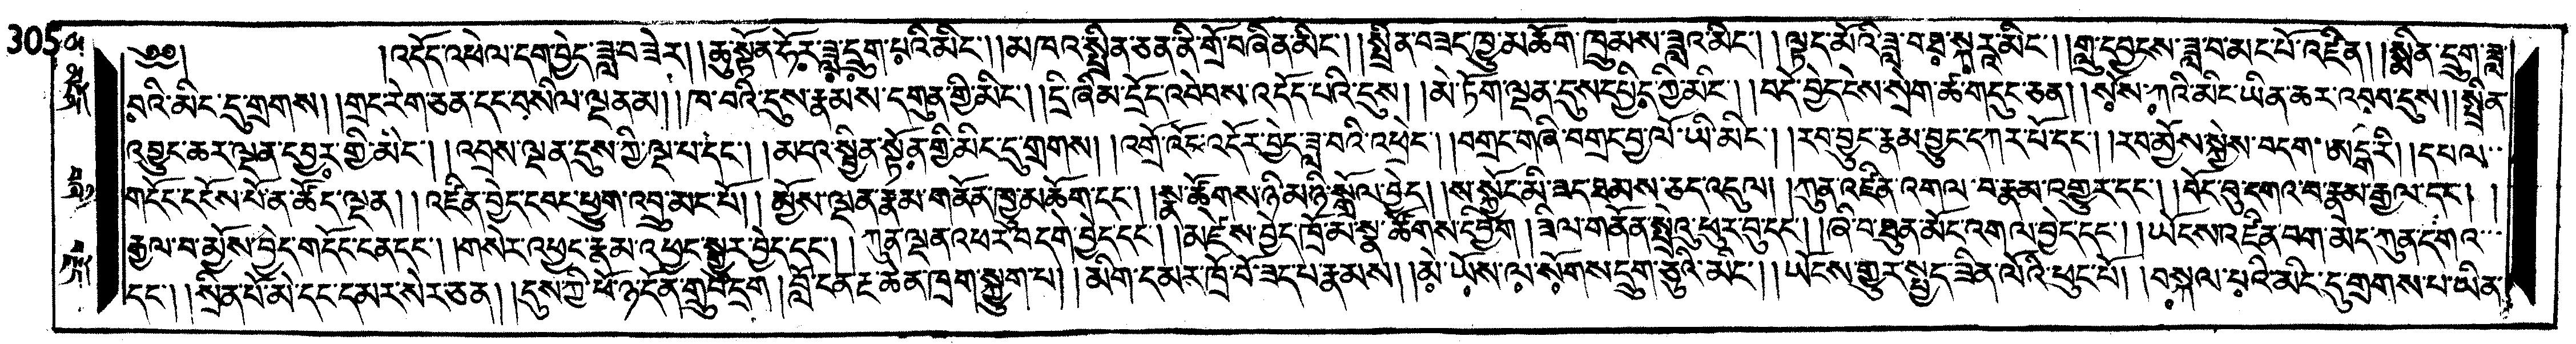༄༅། །འདོད་འཕེལ་དག་བྱེད་ཟླ་བ་ཟེར། །ཆུ་སྟོན་ཧོར྾་ཟླ྾་དྲུག་པའི་མིང་། །མཁའ་སྤྲིན་ཅན་ནི་གྲོ་བཞིན་མིང་། །སྤྲིན་བཟང་ཁྱུ་མཆོག་ཁྲུམས་ཟླའ་མིང་། །ལྟད་མོའི་ཟླ་བ་ཐ྾་སྐར྾་སྐརཱ་མིང་། །གླུ་དབྱངས་ཟླ་བ་མང་པོ་འཛིན། །སྨིན་དྲུག་ཟླ་
བའི་མིང་དུ་གྲགས། །གྲང་རེག་ཅན་དང་བསིལ་ལྡན་མ། །ཁ་བའི་དུས་རྣམས་དགུན་གྱི་མིང་། །དྲི་ཞིམ་དྲོད་འབེབས་འདོད་པའི་དུས། །མེ་ཏོག་ལྡན་དུས་དཔྱིད་ཀྱི་མིང་། །བདེ་བྱེད་ངེས་སྲེག་ཚ་གདུང་ཅན། །སོས྾་ཀའི་མིང་ཡིན་ཆར་འབབ་དུས། །སྤྲིན་
འབྱུང་ཆར་ལྡན་དབྱར྾་གྱི་མིང་། །འབྲས་ལྡན་དུས་ཀྱི་ལྔ་པ་དང་། །མདའ་སྦྱིན་སྟོ྾ན་གྱི་མིང་དུ་གྲགས། །འགྲོ་འོང་འདོར་བྱེད་ཟླ་བའི་འཕྲེང་། །བགྲང་གཞི་བགྲང་བྱ་ལོ་ཡི་མིང་། །རབ་བྱུང་རྣམ་བྱུང་དཀར་པོ་དང་། །རབ་མྱོས་སྐྱེས་བདག་ཨངྒ་རི། །དཔལ་
གདོང་དངོས་པོ་ན་ཚོད་ལྡན། །འཛིན་བྱེད་དབང་ཕྱུག་འབྲུ་མང་པོ། །མྱོས་ལྡན་རྣམ་གནོན་ཁྱུ་མཆོག་དང་། །སྣ་ཚོགས་ཉི་མ་ཉི་སྒྲོལ་བྱེད། །ས་སྐྱོང་མི་ཟད་ཐམས་ཅད་འདུལ། །ཀུན་འཛིན་འགལ་བ་རྣམ་འགྱུར་དང་། །བོང་བུ་དགའ་བ་རྣམ་རྒྱལ་དང་། །
རྒྱལ་བ་མྱོས་བྱེད་གདོང་ངན་དང་། །གསེར་འཕྱང་རྣམ་འཕྱང་སྒྱུར་བྱེད་དང་། །ཀུན་ལྡན་འཕར་བ་དགེ་བྱེད་དང་། །མཛེས་བྱེད་ཁྲོ་མ་སྣ་ཚོགས་དབྱིག །ཟིལ་གནོན་སྤྲེའུ་ཕུར་བུ་དང་། །ཞི་བ་ཐུན་མོང་འགལ་བྱེད་དང་། །ཡོངས་འཛིན་བག་མེད་ཀུན་དགའ་
དང་། །སྲིན་པོ་མེད་དང་དམར་སེར་ཅན། །དུས་ཀྱི་ཕོ་ཉ་དོན་གྲུབ་དྲག །བློ་ངང་རྔ་ཆེན་ཁྲག་སྐྱུག་པ། །མིག་དམར་ཁྲོ་བོ་ཟད་པ་རྣམས། །མེ྾་ཡོས྾་ལ྾་སོགས྾་དྲུག་ཅུའི་མིང་། །ཡོངས་གྱུར་སྤྱད་ཟིན་ལོའི་ཕུང་པོ། །བསྐལ་པའི་མིང་དུ་གྲགས་པ་ཡིན་